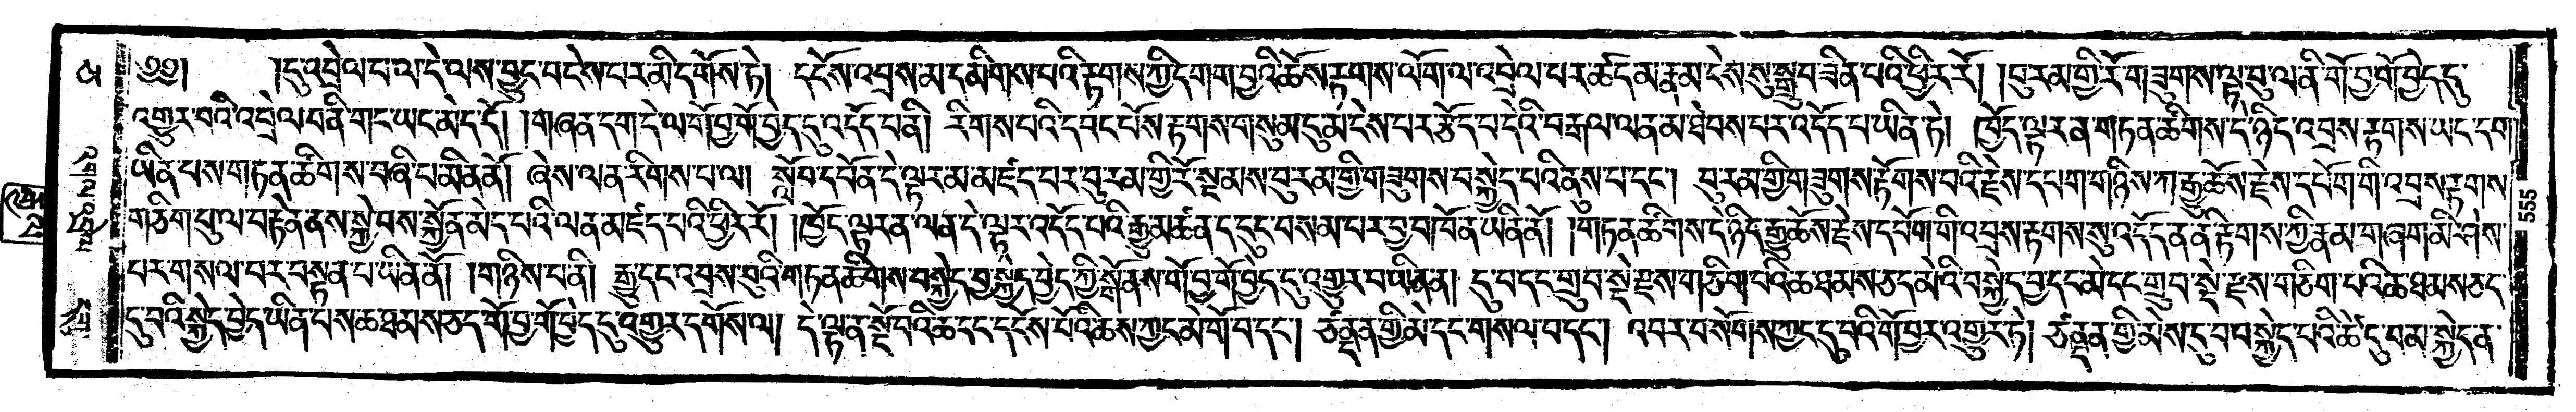༄༅། །དུ་འབྲེལ་པ་ལ་དེ་ལས་བྱུང་བ་ངེས་པར་མི་དགོས་ཏེ། དངོས་འབྲས་མ་དམིགས་པའི་རྟགས་ཀྱི་དགག་བྱའི་ཆོས་རྟགས་ལོག་ལ་འབྲེལ་པར་ཚད་མ་རྣམ་ངེས་སུ་སྒྲུབ་ཟིན་པའི་ཕྱིར་རོ། །བུ་རམ་གྱི་རོ་གཟུགས་ལྟ་བུ་ལ་ནི་གོ་བྱ་གོ་བྱེད་དུ་
འགྱུར་བའི་འབྲེལ་པ་ནི་གང་ཡང་མེད་དོ། །གཞན་དག་དེ་ལ་གོ་བྱ་གོ་བྱེད་དུ་འདོད་པ་ནི། རིགས་པའི་དབང་པོས་རྟགས་གསུམ་དུ་མ་ངེས་པར་རྩོད་པ་དེའི་བརྒལ་ལན་མ་ཐེབས་པར་འདོད་པ་ཡིན་ཏེ། ཁྱོད་ལྟར་ན་གཏན་ཚིགས་དེ་ཉིད་འབྲས་རྟགས་ཡང་དག་
ཡིན་པས་གཏན་ཚིགས་བཞི་པ་མིན་ནོ། ཞེས་ལན་རིགས་པ་ལ། སློབ་དཔོན་དེ་ལྟར་མ་མཛད་པར་བུ་རམ་གྱི་རོ་སྔ་མས་བུ་རམ་གྱི་གཟུགས་བསྐྱེད་པའི་ནུས་པ་དང་། བུ་རམ་གྱི་གཟུགས་རྟོགས་པའི་རྗེས་དཔག་གཉིས་ཀ་རྒྱུ་ཆོས་རྗེས་དཔོག་གི་འབྲས་རྟགས་
གཅིག་པུ་ལ་བརྟེན་ནས་སྐྱེ་བས་སྐྱོན་མེད་པའི་ལན་མཛད་པའི་ཕྱིར་རོ། །ཁྱོད་ལྟར་ན་ལན་དེ་ལྟར་འདོད་པའི་རྒྱུ་མཚན་ད་དུང་བསམ་པར་བྱ་བ་ཁོ་ན་ཡིན་ནོ། །གཏན་ཚིགས་དེ་ཉིད་རྒྱུ་ཆོས་རྗེས་དཔོག་གི་འབྲས་རྟགས་སུ་འདོད་ན་ནི་རྟགས་ཀྱི་རྣམ་གཞག་མི་ཤེས་
པར་གསལ་བར་བསྟན་པ་ཡིན་ནོ། །གཉིས་པ་ནི། རྒྱུ་དང་འབྲས་བུའི་གཏན་ཚིགས་བསྐྱེད་བྱ་སྐྱེད་བྱེད་ཀྱི་སྒོ་ནས་གོ་བྱ་གོ་བྱེད་དུ་འགྱུར་བ་ཡིན་ན། དུ་བ་དང་གྲུབ་སྡེ་རྫས་གཅིག་པའི་ཆ་ཐམས་ཅད་མེའི་བསྐྱེད་བྱ་དང་མེ་དང་གྲུབ་སྡེ་རྫས་གཅིག་པའི་ཆ་ཐམས་ཅད་
དུ་བའི་སྐྱེད་བྱེད་ཡིན་པས་ཆ་ཐམས་ཅད་གོ་བྱ་གོ་བྱེད་དུ་འགྱུར་དགོས་ལ། དེ་ལྟ་ན་སྔོ་བའི་ཆ་དང་དངོས་པོའི་ཆས་ཀྱང་མེ་གོ་བ་དང་། ཙནྡན་གྱི་མེ་དང་གསལ་བ་དང་། འབར་བ་སོགས་ཀྱང་དུ་བའི་གོ་བྱར་འགྱུར་ཏེ། ཙནྡན་གྱི་མེས་དུ་བ་བསྐྱེད་པའི་ཚེ་དུ་བ་མ་སྐྱེད་ན་